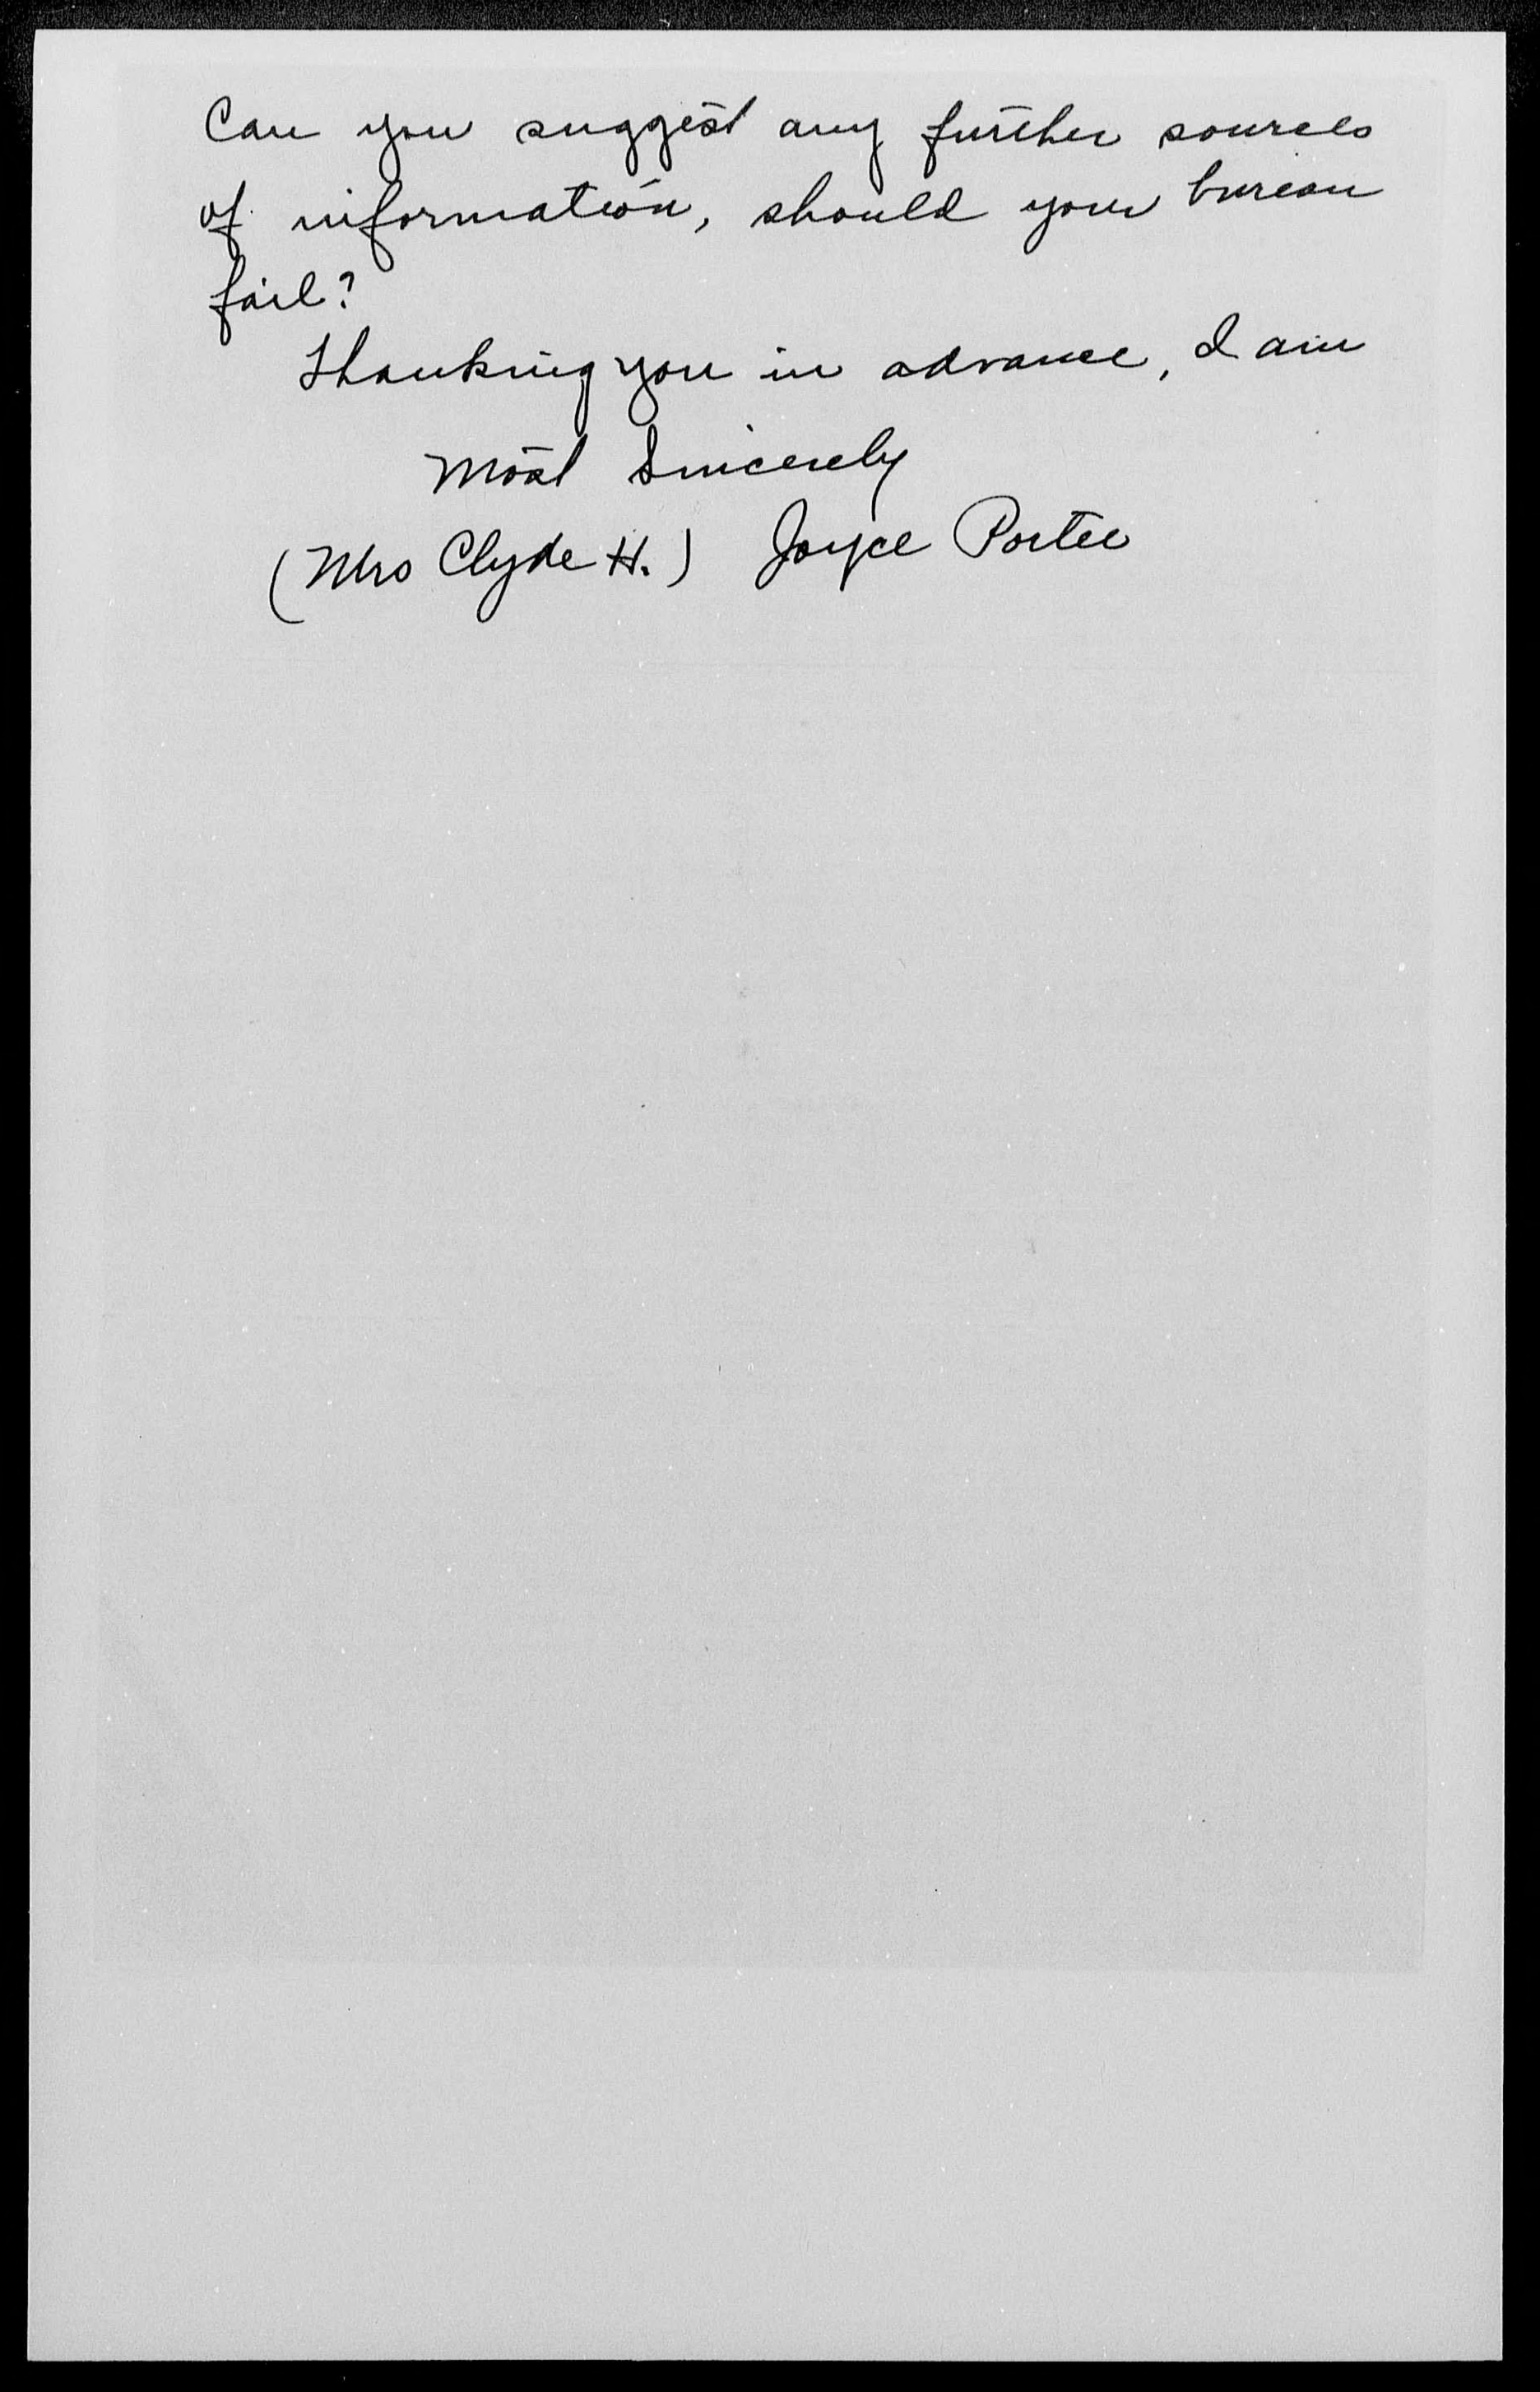Can you suggest any further sources of information, should your bureau fail?

Thanking you in advance, I am most sincerely
(Mrs. Clyde H.) Joyce Porter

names: Clyde H, Joyce Porter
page: 22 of 29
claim: survivor's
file: S 41404, Eleazer John Albee, Mass. Privateer